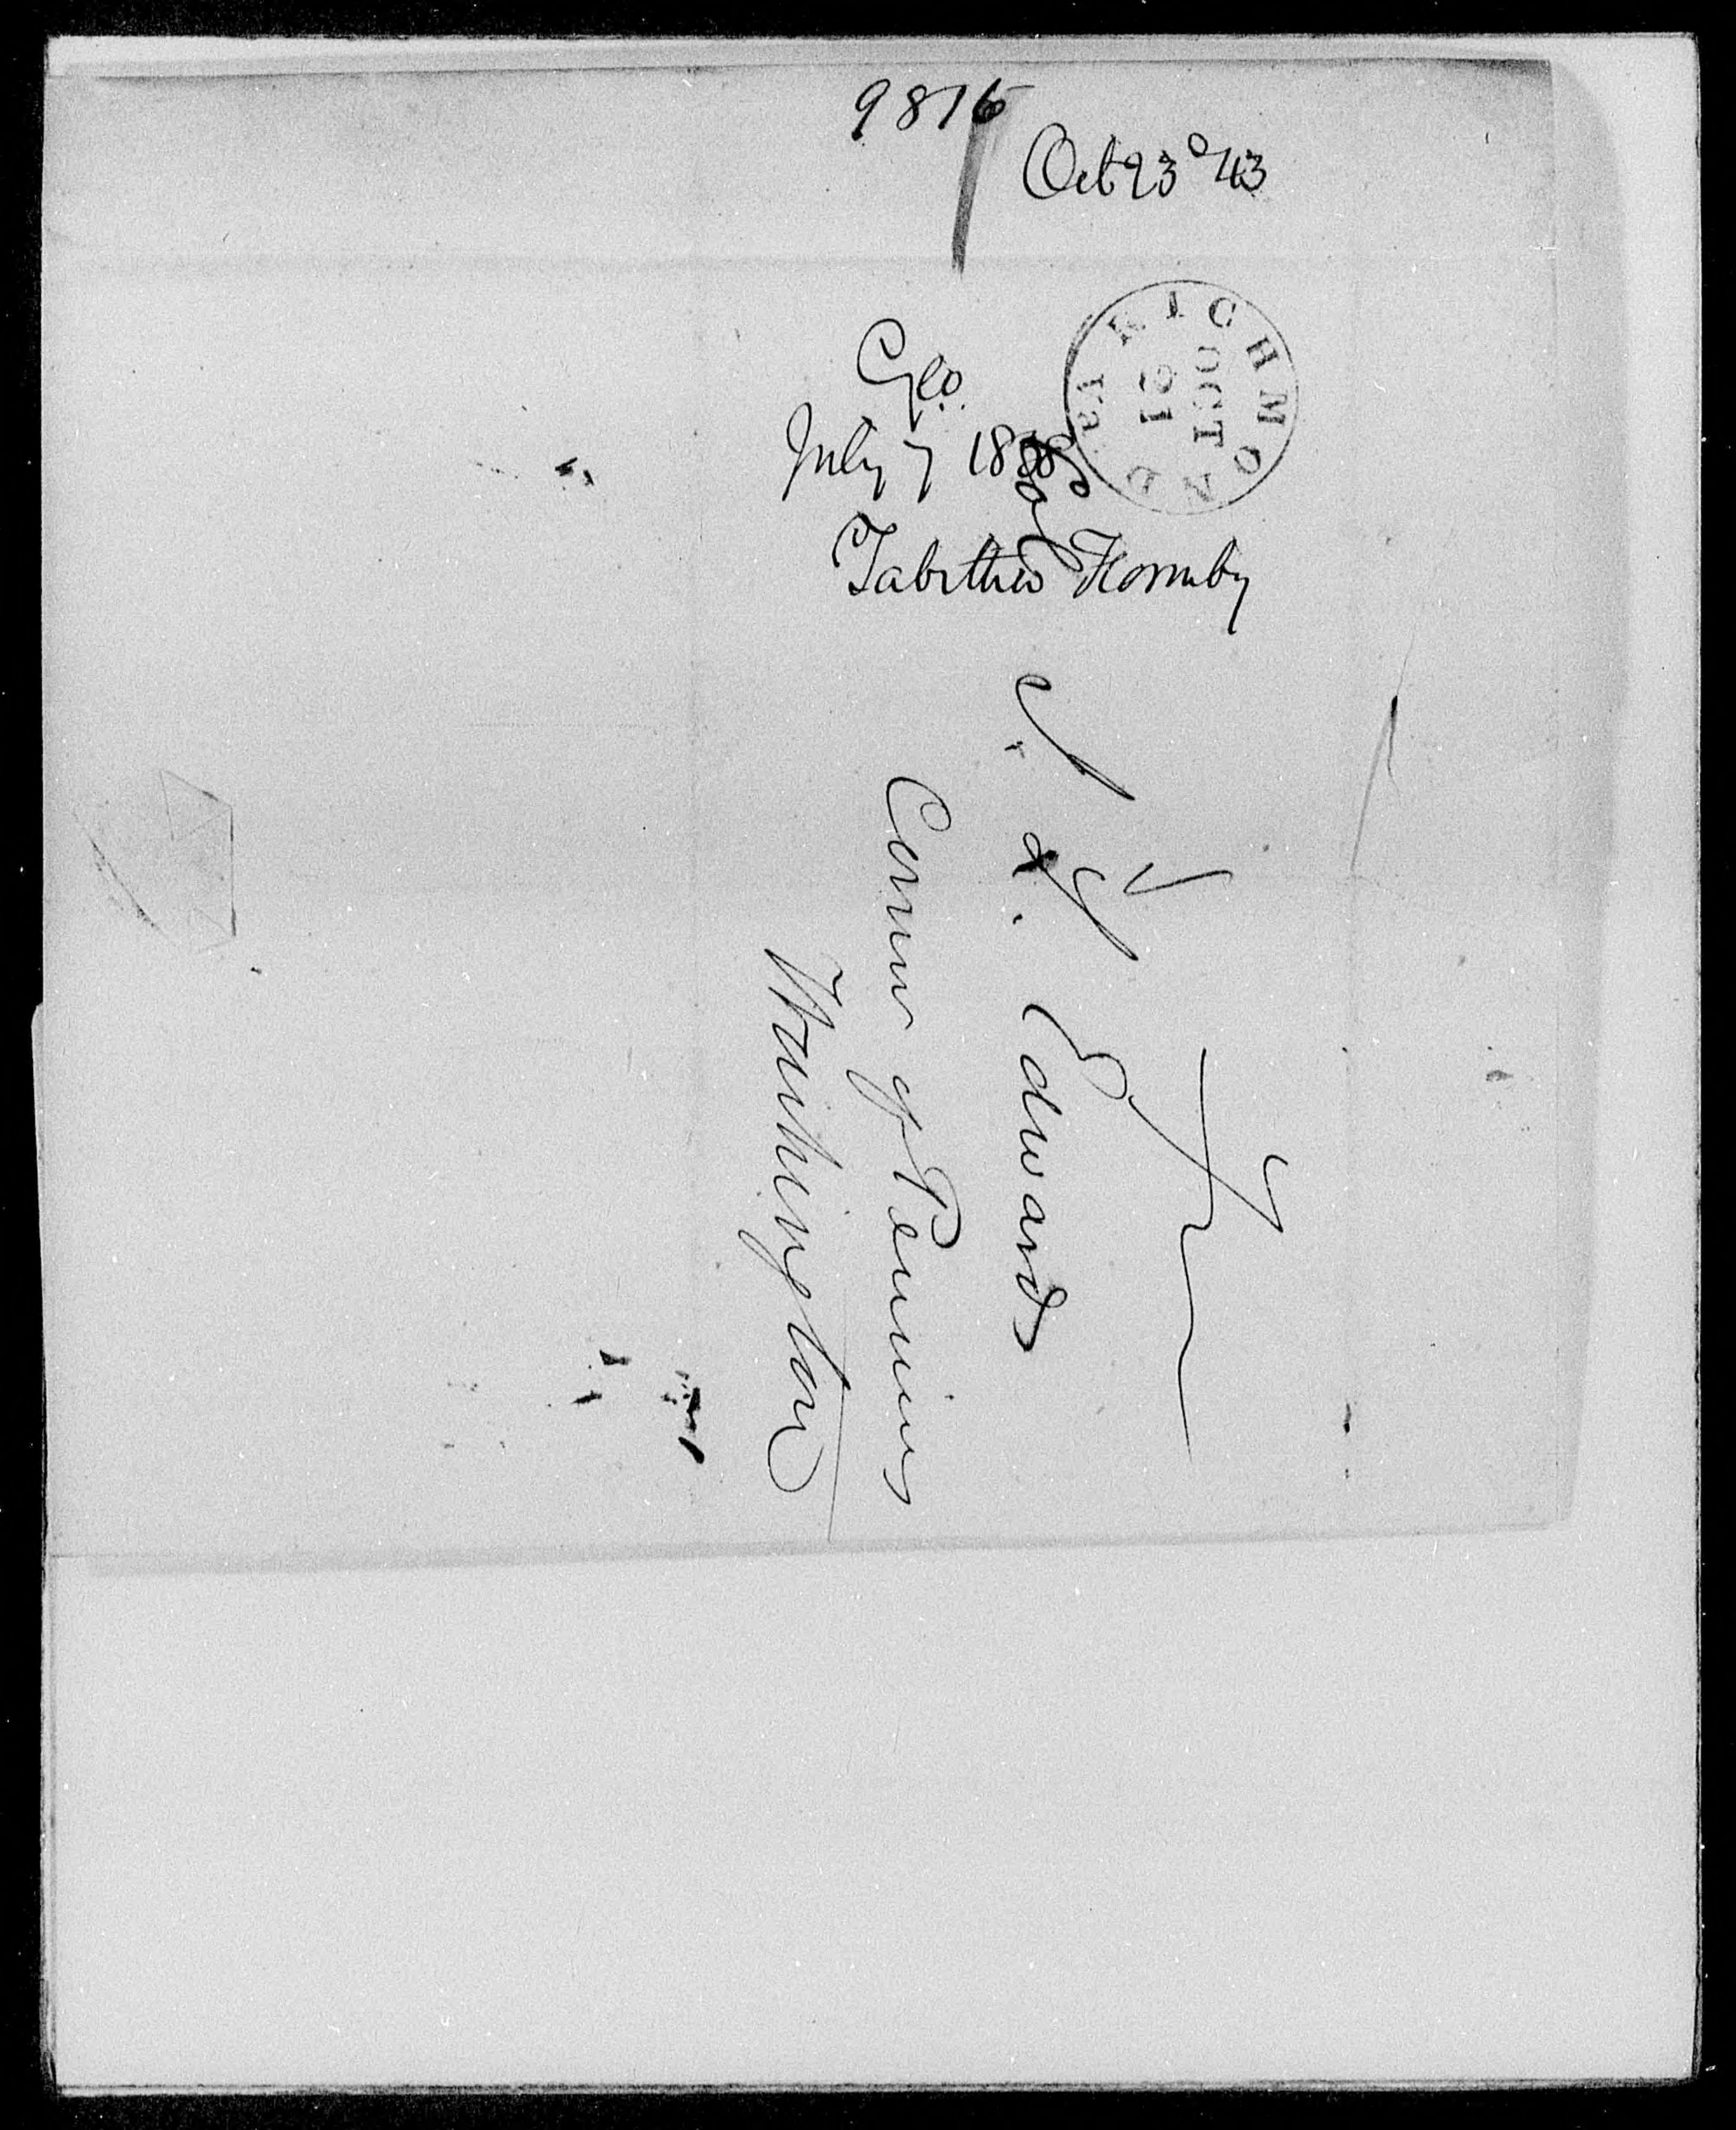9816
Oct 23 '43

Geo.
July 7 1828
Tabitha Formby

[stamp] RICHMOND Va. OCT 21

[crossed out] 7

Col. J. L. Edwards Comm of Pensions
Washington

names: J L Edwards, Tabitha Formby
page: 35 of 54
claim: widow's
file: W. 3794, Nathan Formby, Va.